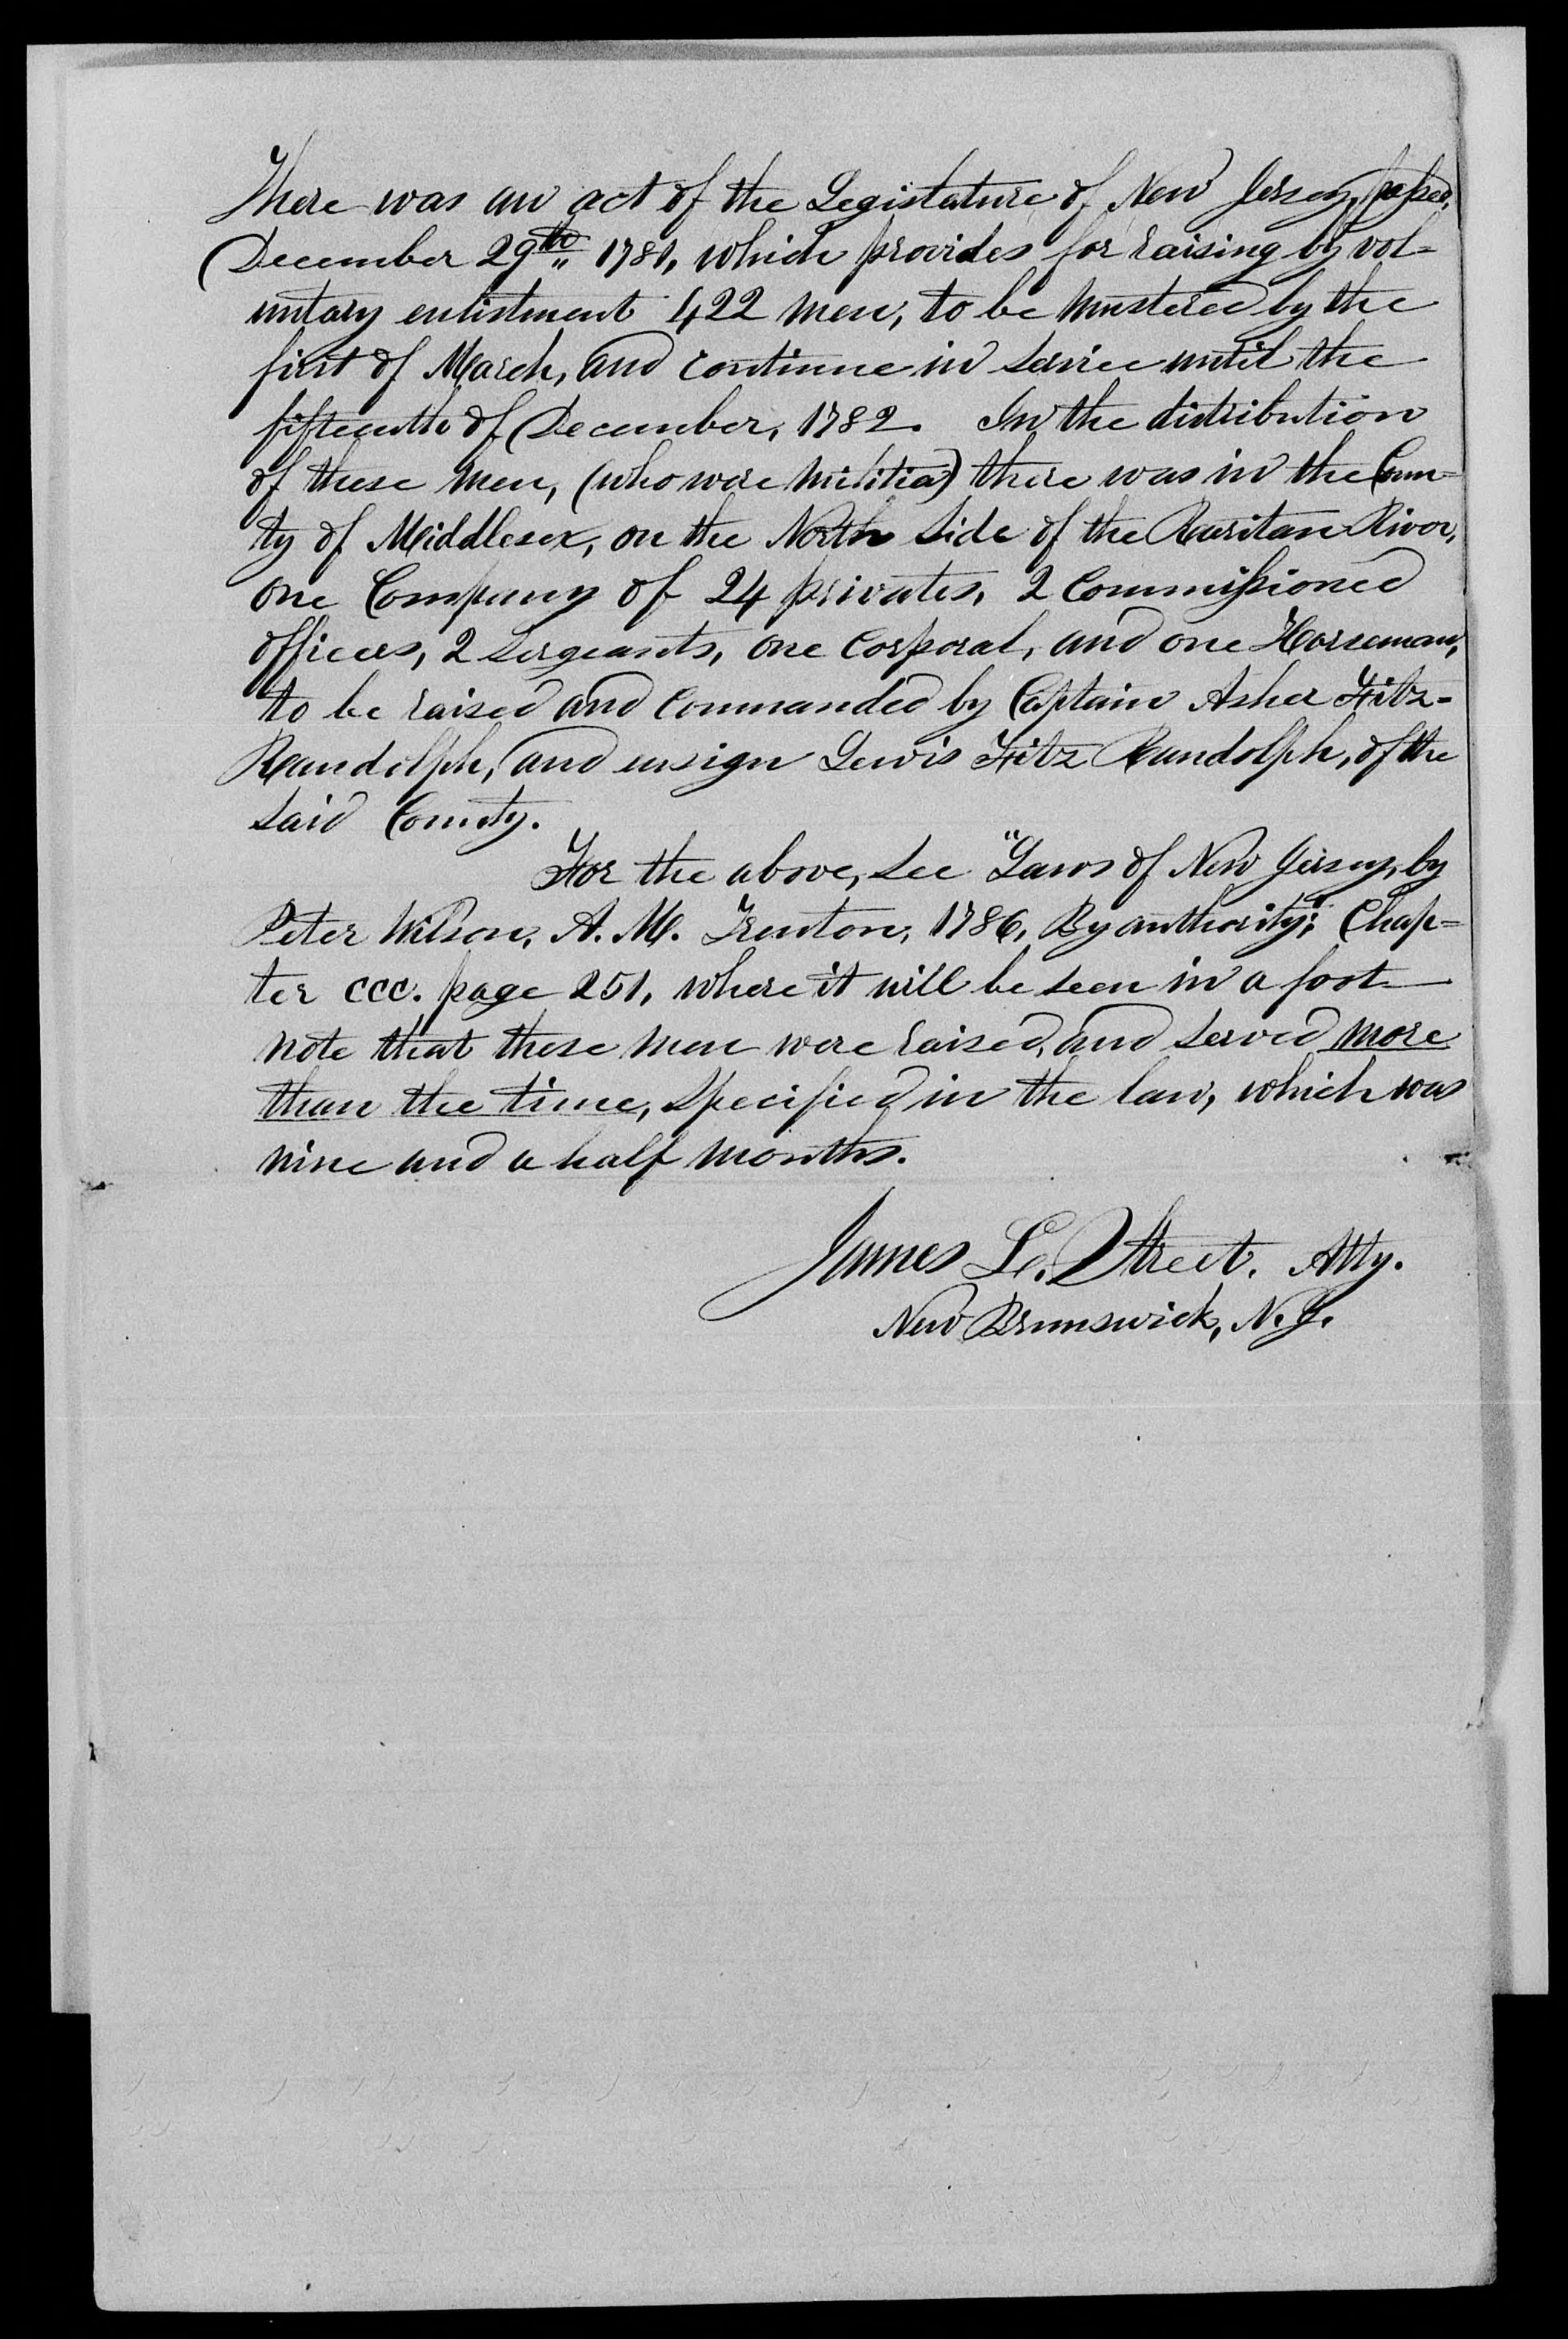There was an act of the Legislature of New Jersey passed December 29th 1781, which provides for raising by voluntary enlistment 422 men, to be mustered by the first of March and continue in same until the fifteenth of December, 1782. In the distribution of these men, (who were militia) there was in the County of Middlesex on the north side of the Raritan River, one company of 24 Privates, 2 Commissioned Officers, 2 Sergeants, One Corporal and one Horseman to be raised and commanded by Captain Asher Fitz Randolph and Ensign Lewis Fitz Randolph of the said County.

For the above, see "Laws of New Jersey by Peter Wilson, A.M., Trenton, 1786, by authority Chapter ccc, page 251, where it will be seen in a footnote that these men were raised and served more than the time specified in the law, which was nine and a half months.
s/ James L. Street., Atty., New Brunswick, N.J.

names: Asher Fitz Rand; Peter Wilson; Lewis Fitz Randolph; James L Street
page: 56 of 95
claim: survivor's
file: S 2889, for Levi Mundy, New Jersey